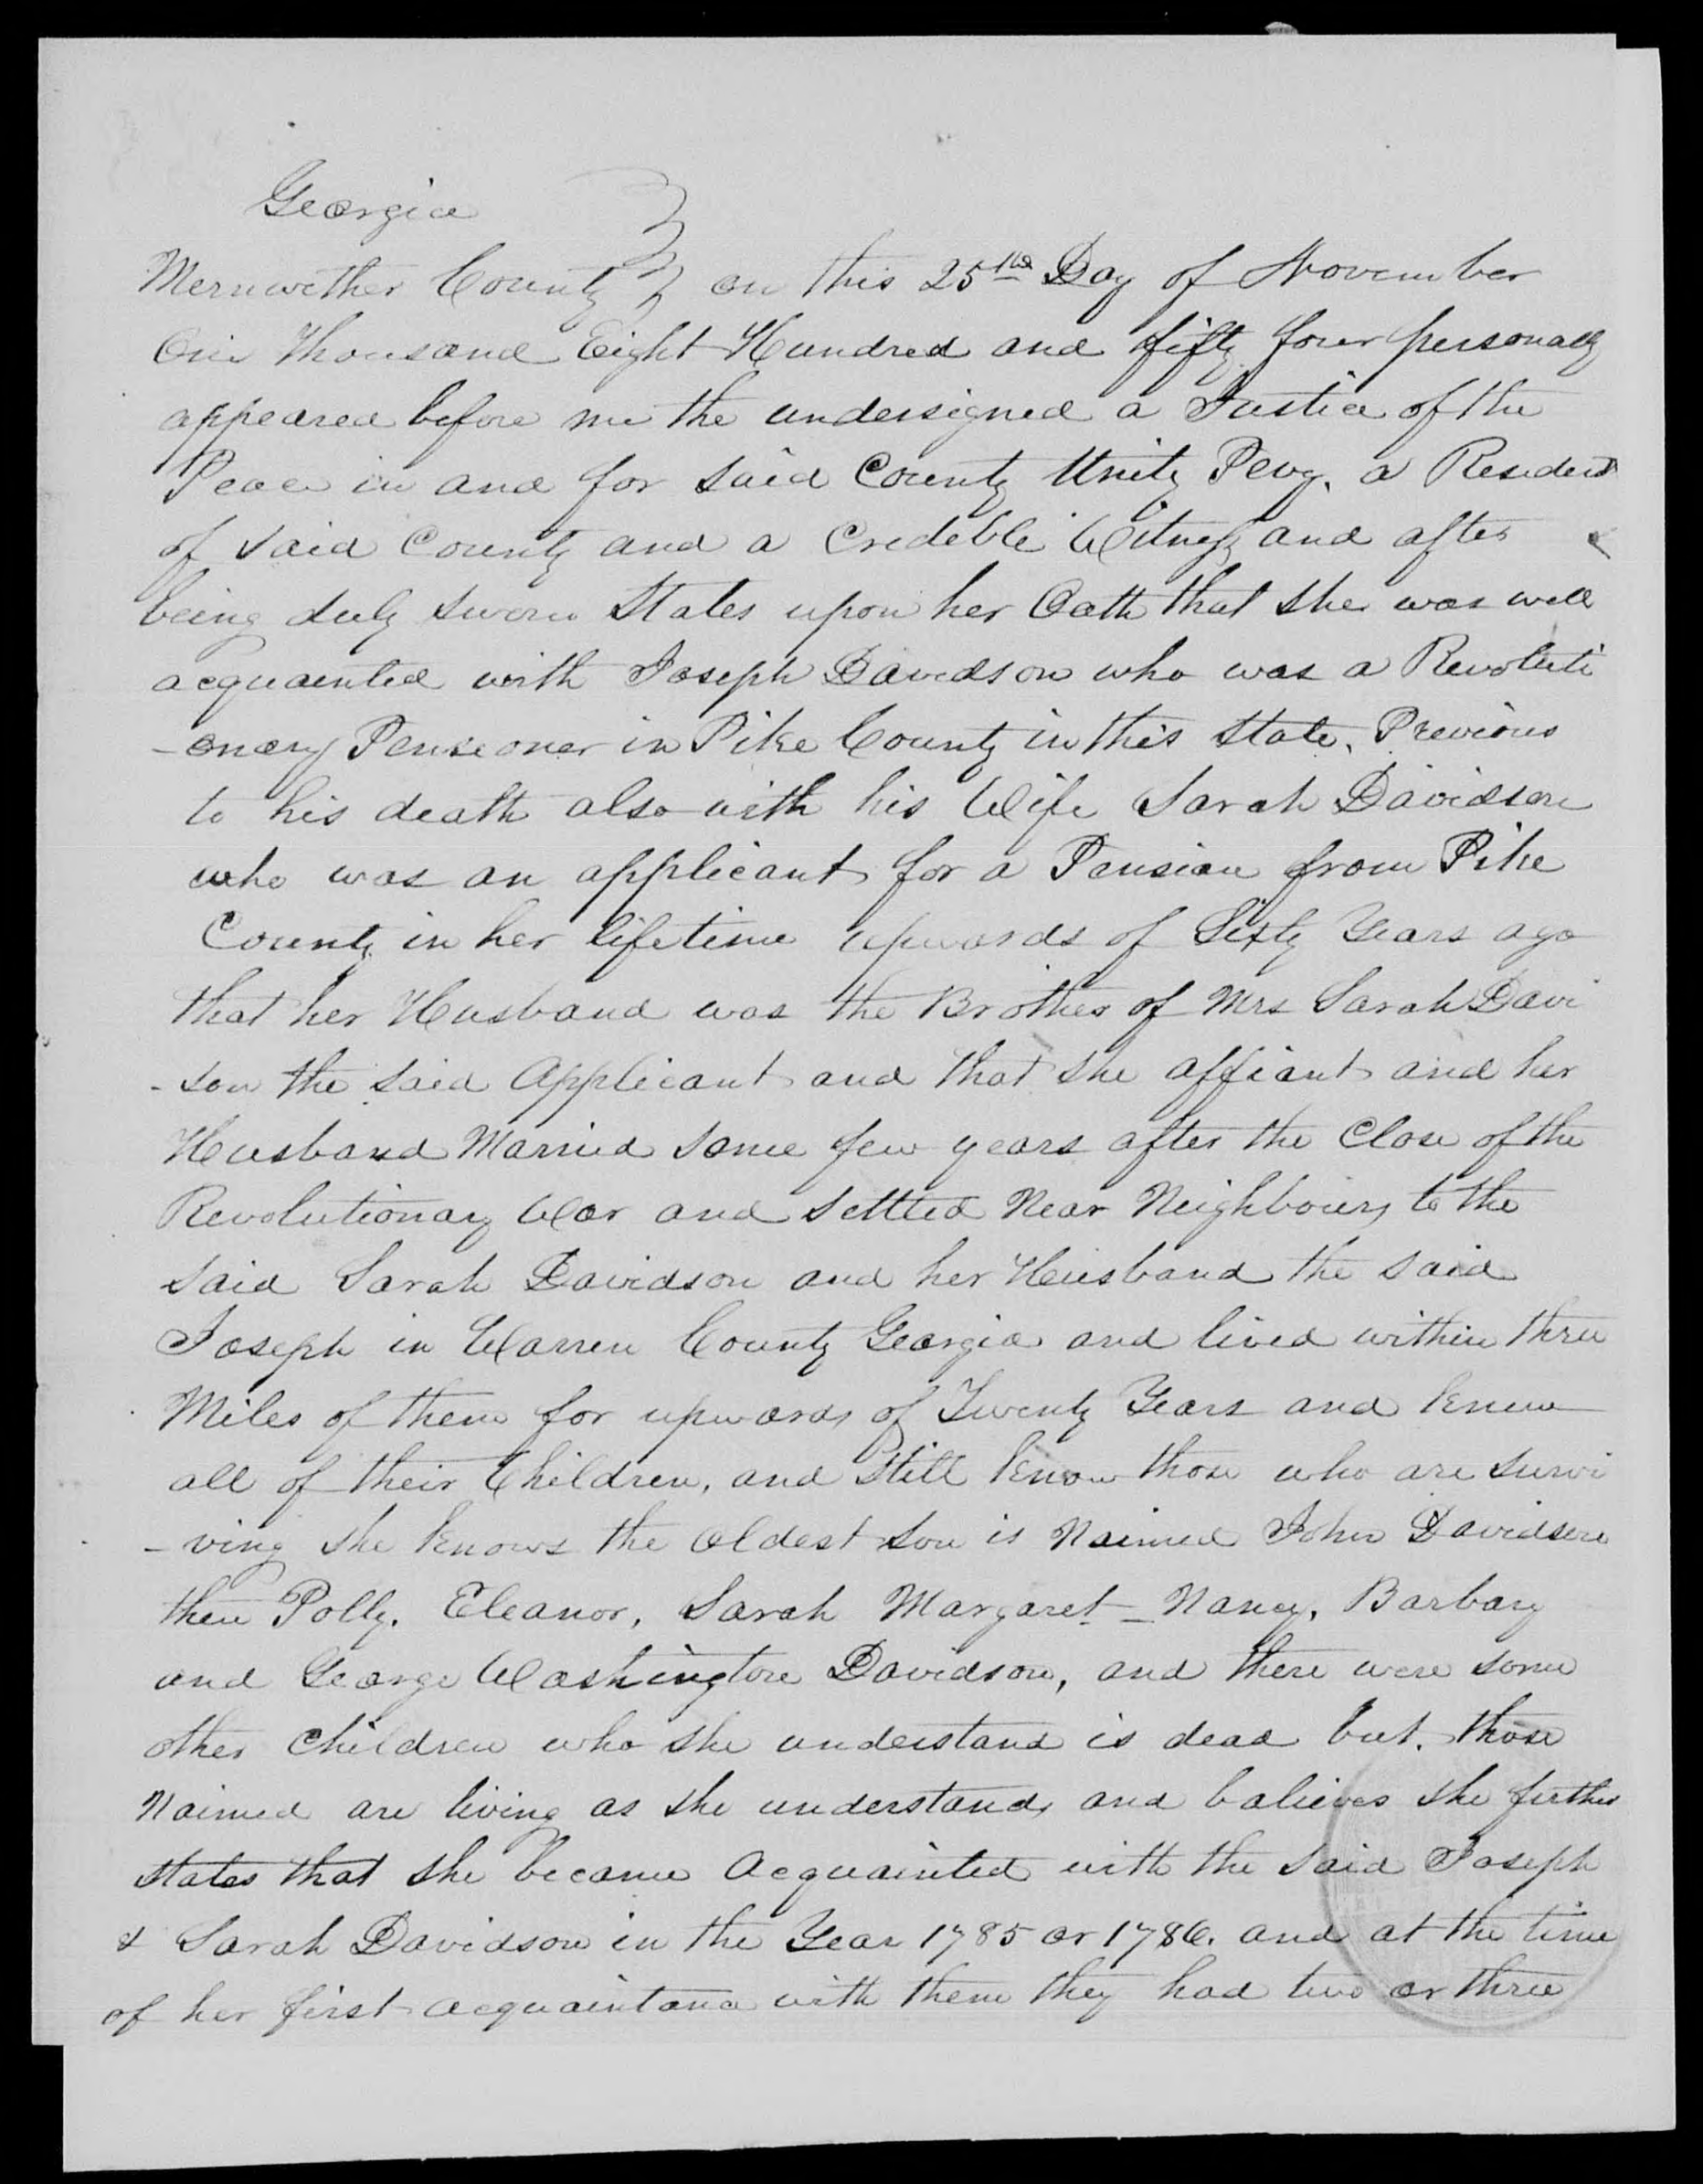Georgia
Merriwether County ⎬ On this 25th day of November One thousand Eight Hundred and fifty four personally appeared before me the undersigned a Justice of the Peace in and for said County Unity Pevy, a Resident of said County and a credible witness and after being duly sworn states upon her oath that she was well acquainted with Joseph Davidson who was a Revolutionary Pensioner in Pike County in this State, previous to his death also with his wife Sarah Davidson who was an applicant for a Pension from Pike County in her lifetime upwards of Sixty years ago that her Husband was the Brother of Mrs Sarah Davidson the said Applicant and that she affiant and her Husband married some few years after the close of the Revolutionary War and settled near neighbours to the said Sarah Davidson and her Husband the said Joseph in Warren County Georgia and lived within three Miles of them for upwards of Twenty years and knew all of their children, and still know those who are surviving she knows the oldest son is named John Davidson then Polly, Eleanor, Sarah Margaret - Nancy, Barbary and George Washington Davidson, and there were some other children who she understand is dead but those named are living as she understand, and believes she further states that she became acquainted with the said Joseph & Sarah Davidson in the year 1785 or 1786, and at the time of her first acquaintance with them they had two or three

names: John Davidson, Joseph Warren, Sarah Davidson, Joseph Davidson, Polly, Sarah Davidson, Nancy, Eleanor, Barbary, Sarah Davidson, George Washington Davidson, Sarah Davidson, Sarah Margaret, Joseph Davidson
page: 30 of 63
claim: widow's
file: W. 4175, Joseph Davidson, N.C.